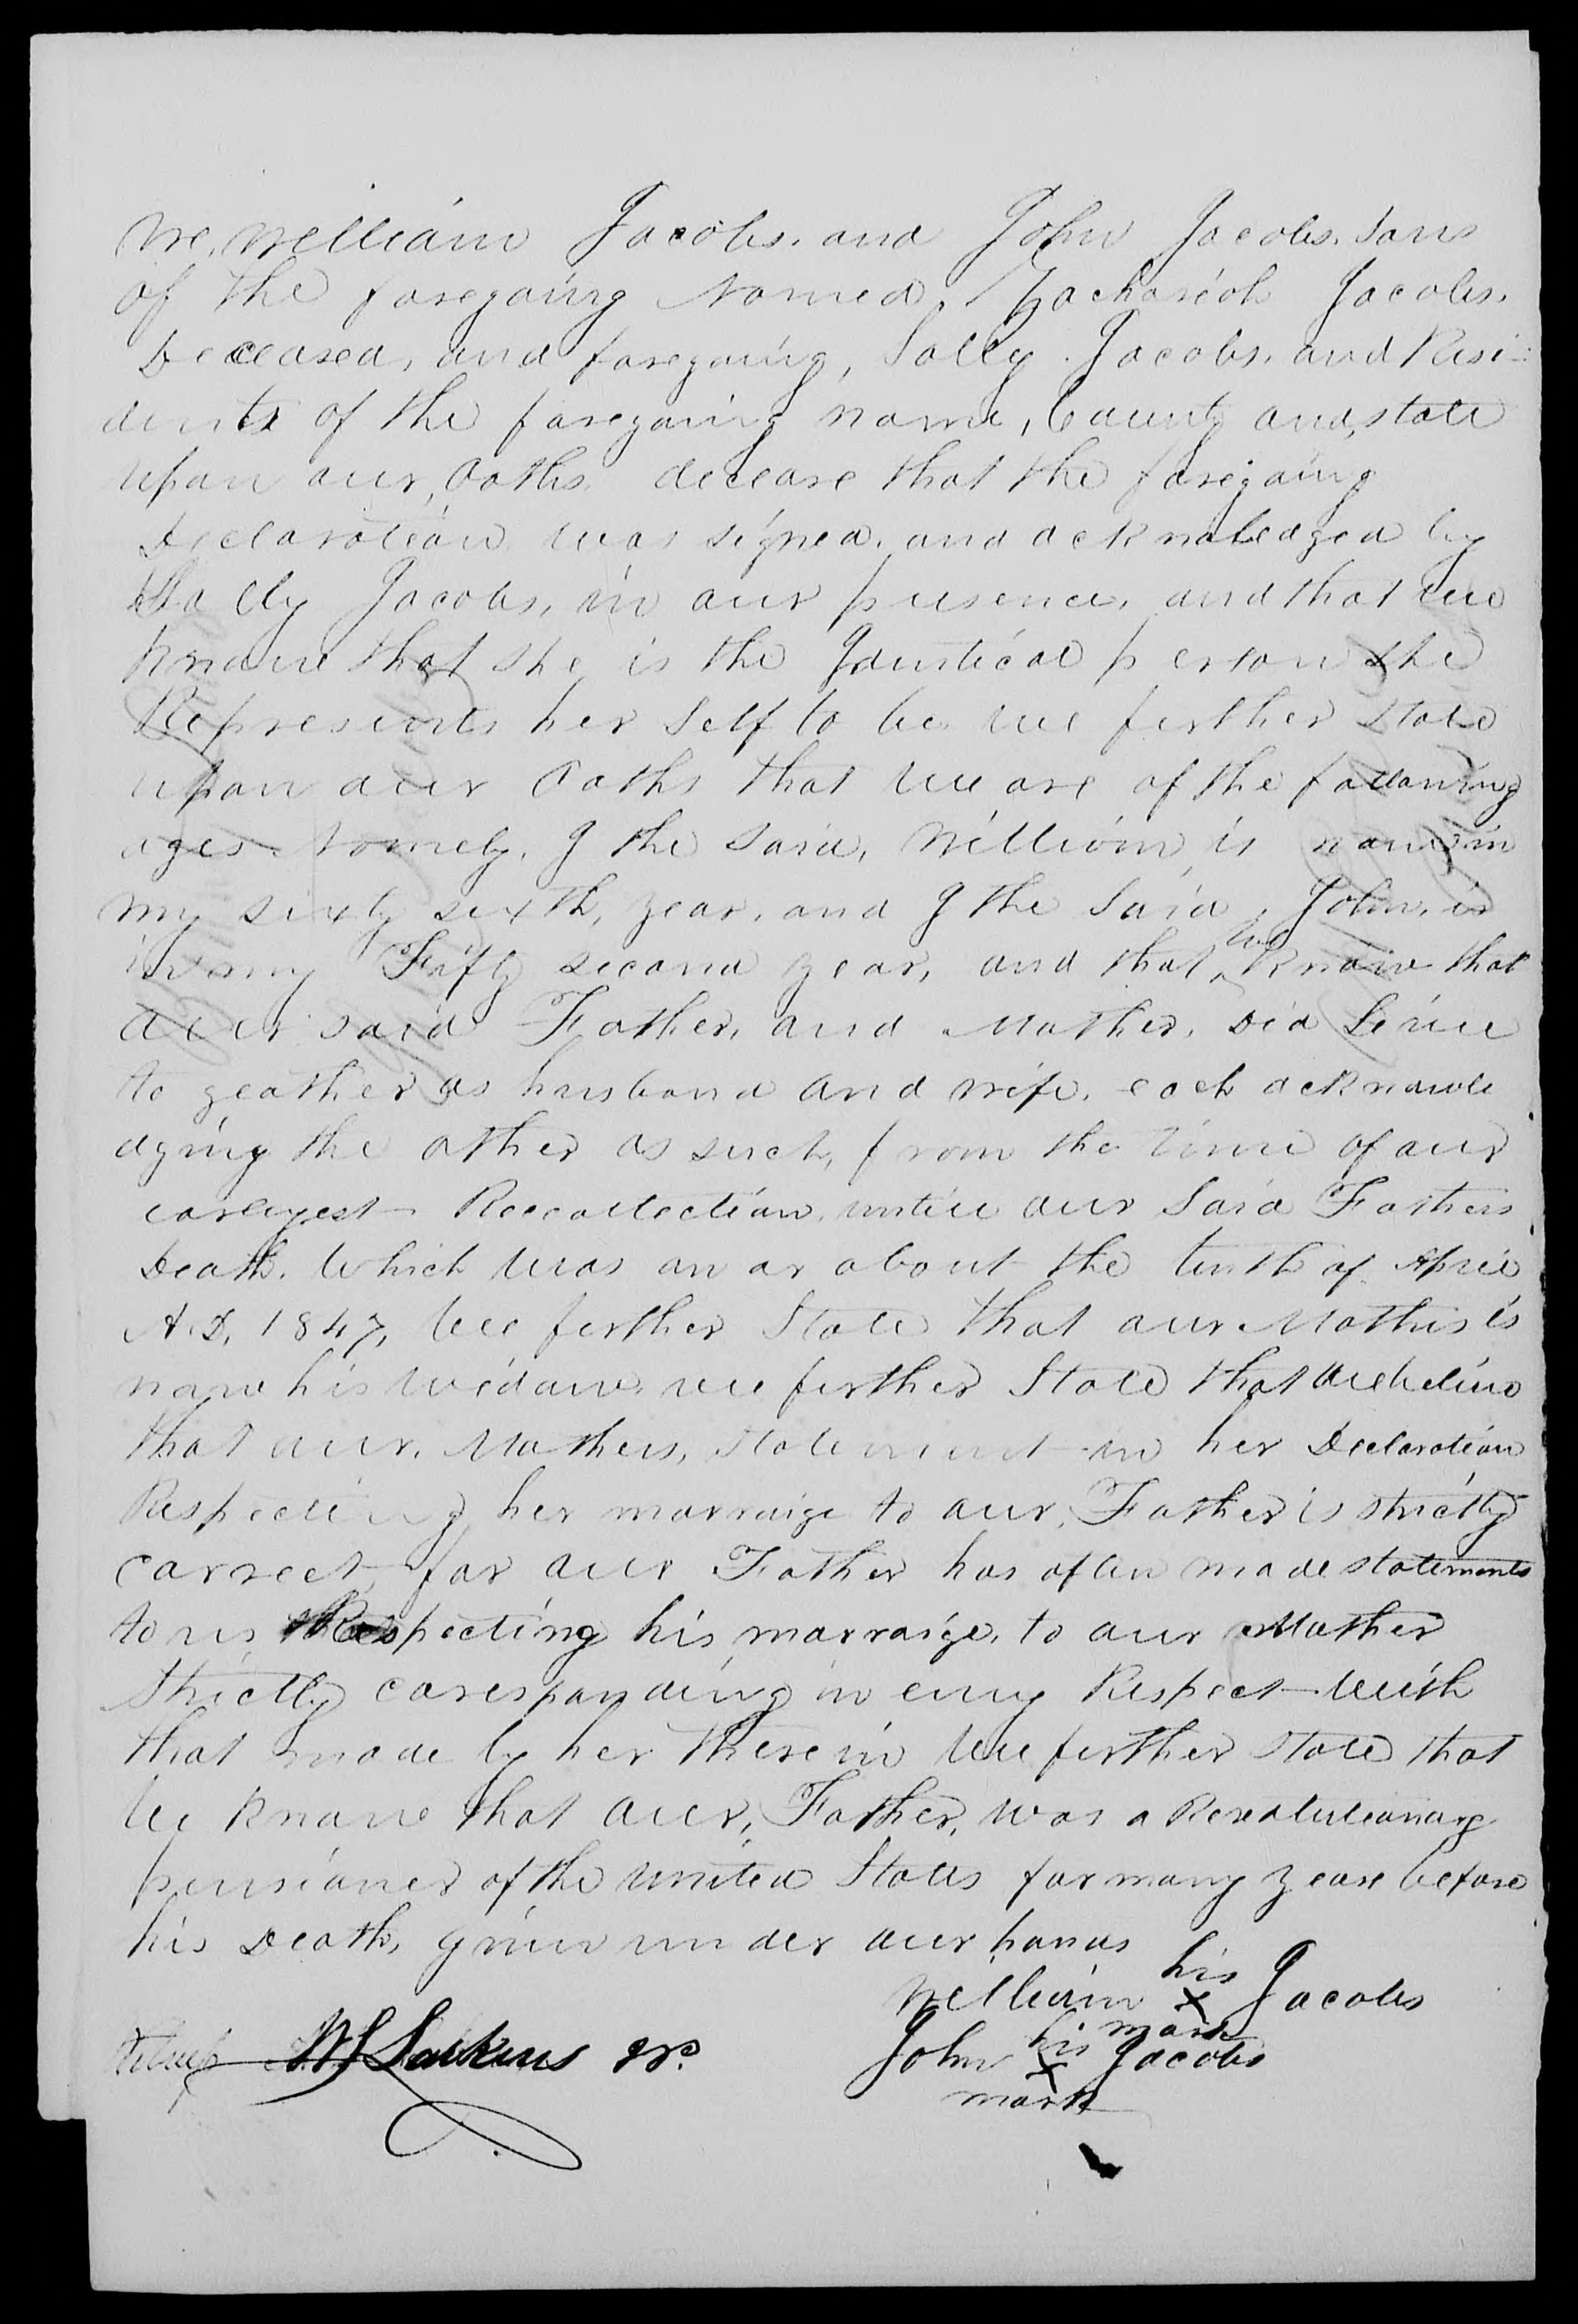We, William Jacobs and John Jacobs sons of the foregoing  Named Zachariah Jacobs, Deceased, and foregoing, Sally Jacobs  and Residents of the foregoing named County and state upon our oaths declare that the foregoing Declaration was signed and acknowledged by Sally Jacobs in our presence, and that we know that she is the Identical person she Represents her self to be we further state upon our oaths that we are of the following ages Namely, I the said, William is now in my sixty sixth year, and I the Said John is in my Fifty second year, and that we know our said Father and Mother did live to geather as husband and wife.  each acknowledging the other as such, from the time of our earlyest Recollection untill our Said Father's Death. which was on or about the tenth of April A.D. 1847,  We further State that our Mother is now a widow we further State that we believe that our Mothers Statement in her Declaration Respecting her marriage to our Father is  strictly correct for our Father has often made statements to us Respecting his marriage to our Mother Strictly caresponding in every Respect - with that made by her therein we further state that  we know that our Father, was a Revolutionary pensioner of the United States for many years before his death,  
                  given under our hand
                                       his
         [Signature] William  X  Jacobs
                                        mark
                                  his
        [Signature] John  X  Jacob
                                marks
Witness  W. L Sarkins [illegible]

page: 13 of 40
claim: widow's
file: W. 5304, for Zachariah Jacobs, North Carolina